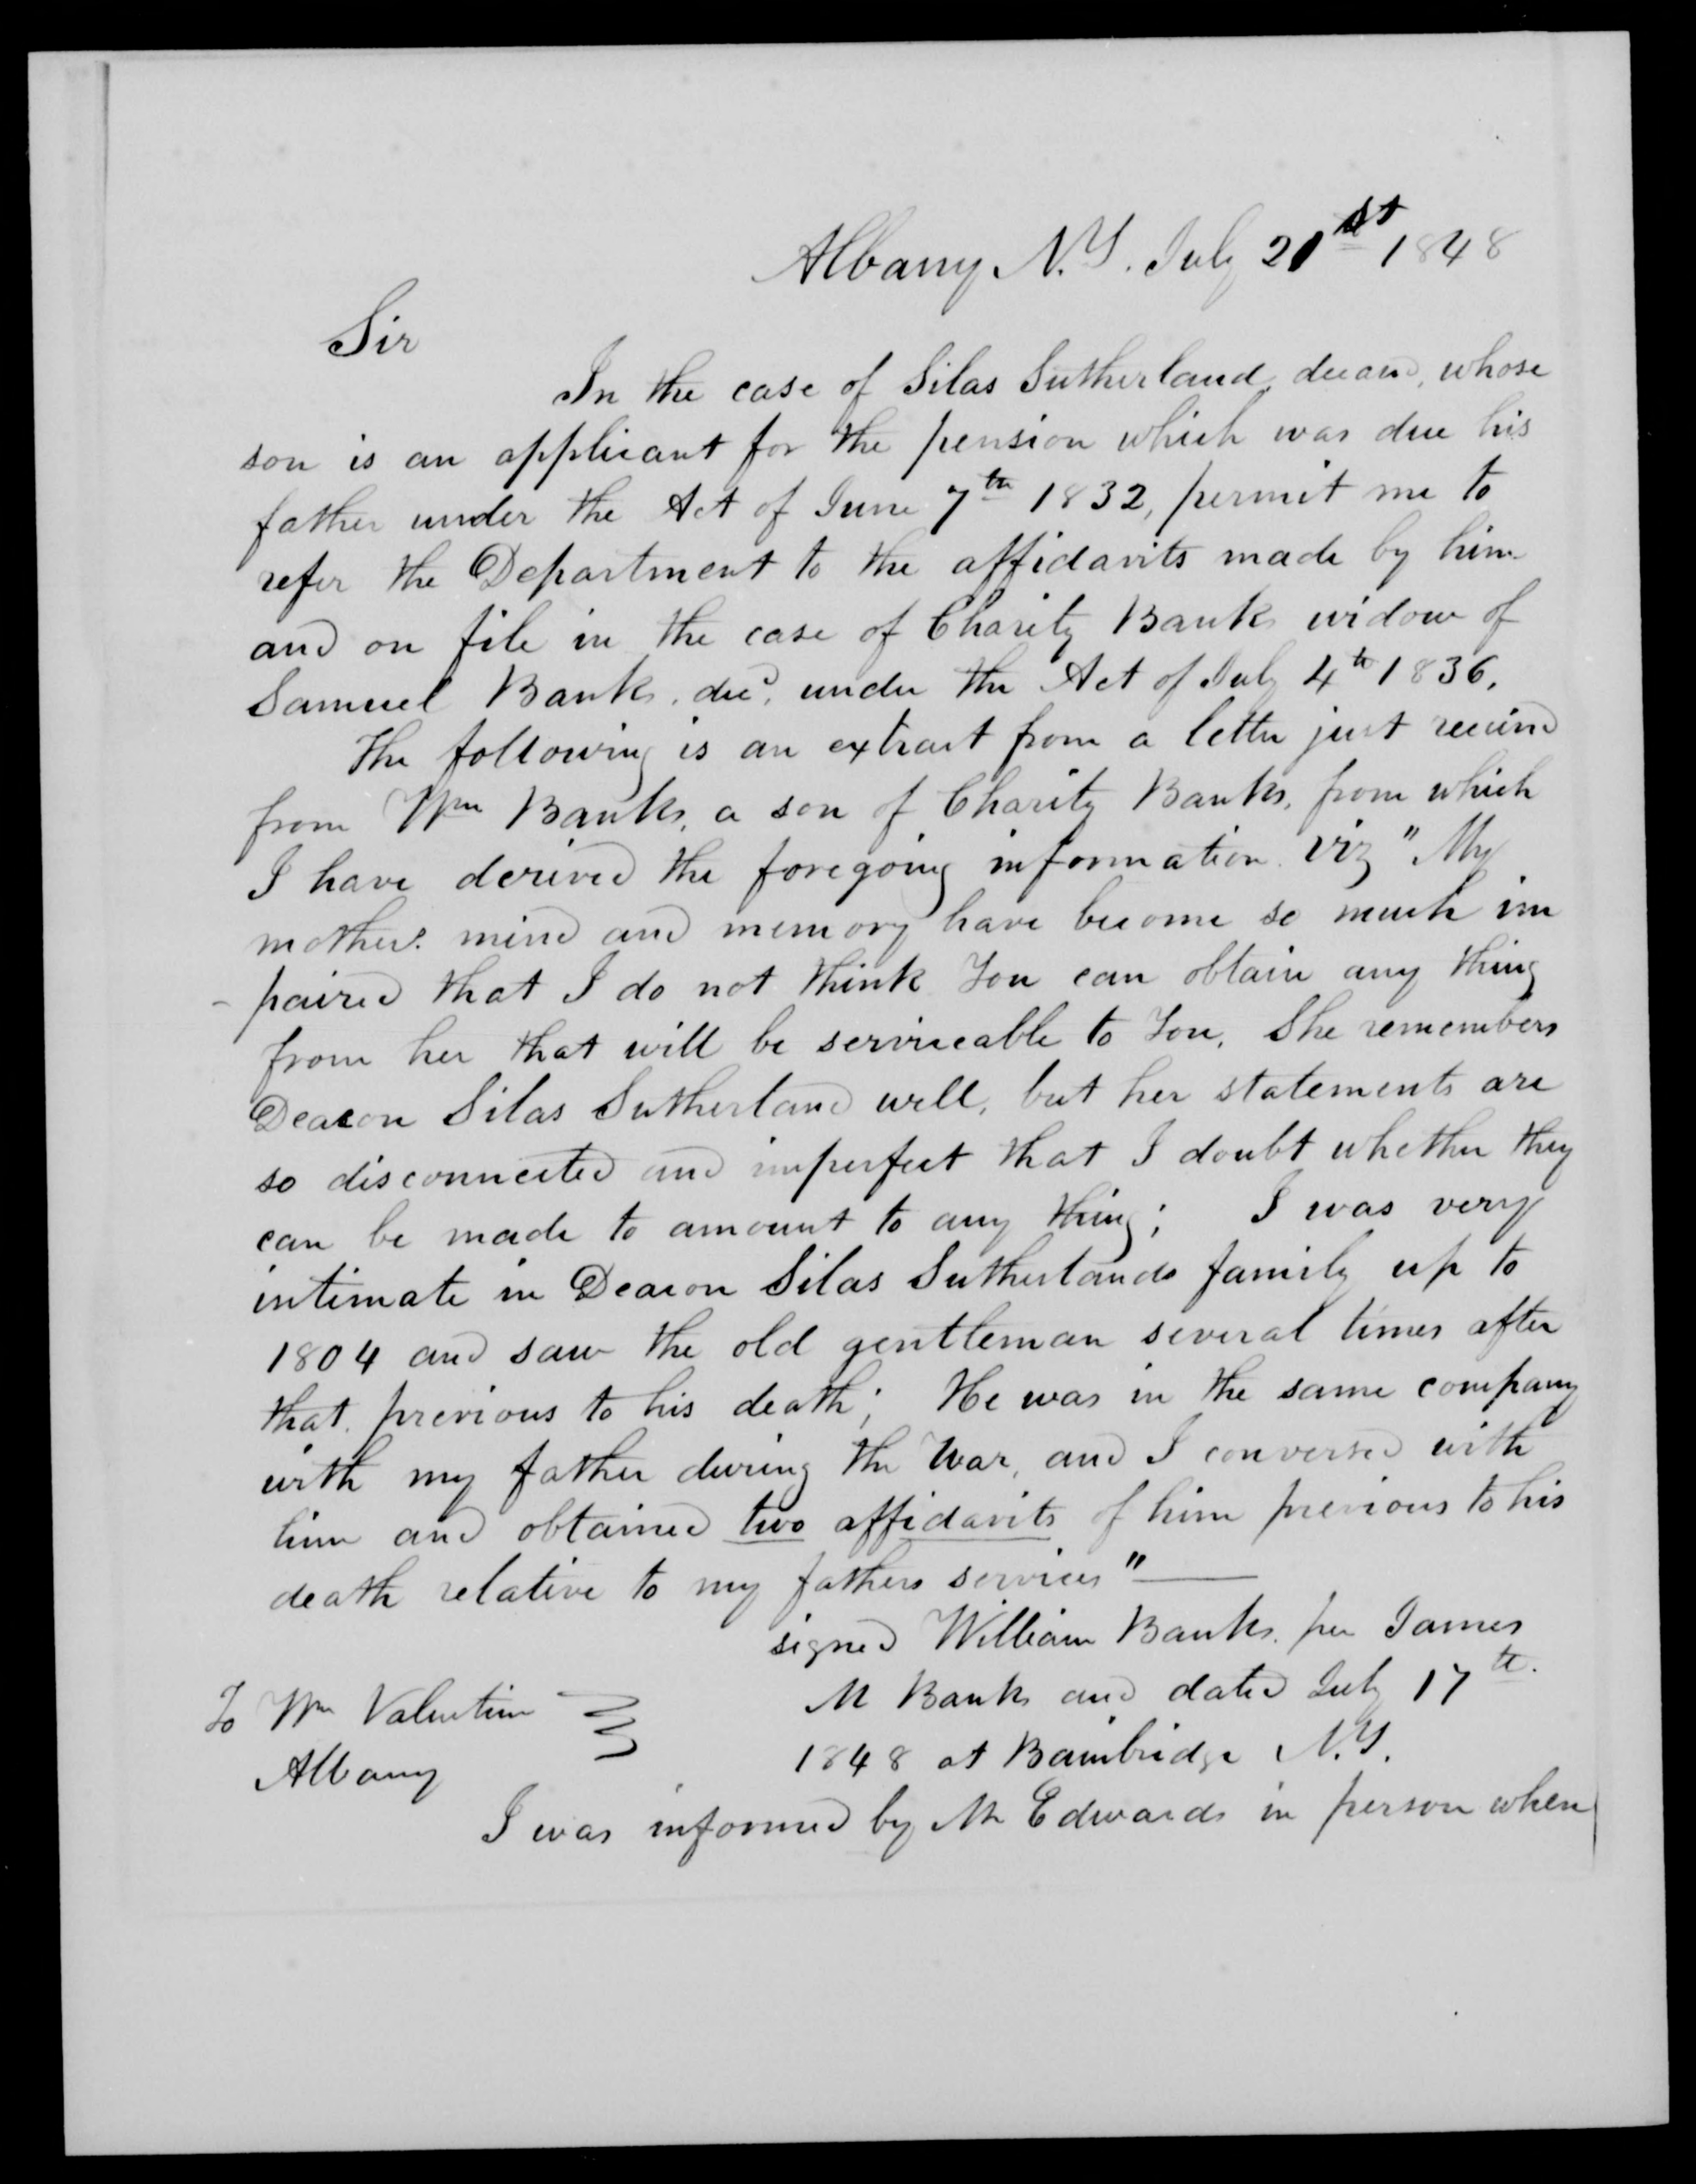Albany N.Y. July 21st 1848
Sir
  In the case of Silas Sutherland decd whose son is an applicant for the pension which was due his father under the Act of June 7th 1832, permit me to refer the Department to the affidavits made by him and on file in the case of Charity Banks widow of Samuel Banks, decd, under the Act of July 4th 1836.
  The following is an extract from a letter just received from Wm Banks, a son of Charity Banks, from which I have derived the foregoing information viz "My mothers mind and memory have become so much impaired that I do not think you can obtain any thing from her that will be serviceable to you. She remembers Deacon Silas Sutherland well, but her statements are so disconnected and imperfect that I doubt whether they can be made to amount to any thing:  I was very intimate in Deacon Silas Sutherlands family up to 1804 and saw the old gentleman several times after that previous to his death; He was in the same company with my father during the War, and I conversed with him and obtained two affidavits of him previous to his death relative to my fathers services" _
  Signed William Banks per James M Banks and dated July 17th 1848 at Bainbridge N.Y.
 I was informed by Mr Edwards in person when

To Mr Valentine
Albany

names: Silas Sutherland; Silas Sutherland; Wm Banks; Charity Banks; [BLANK] Edwards; Wm Valentine; William Banks; Samuel Banks; Silas Sutherland; Charity Banks; James M Banks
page: 65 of 77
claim: survivor's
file: S. 23003, for Silas Southerland, New York